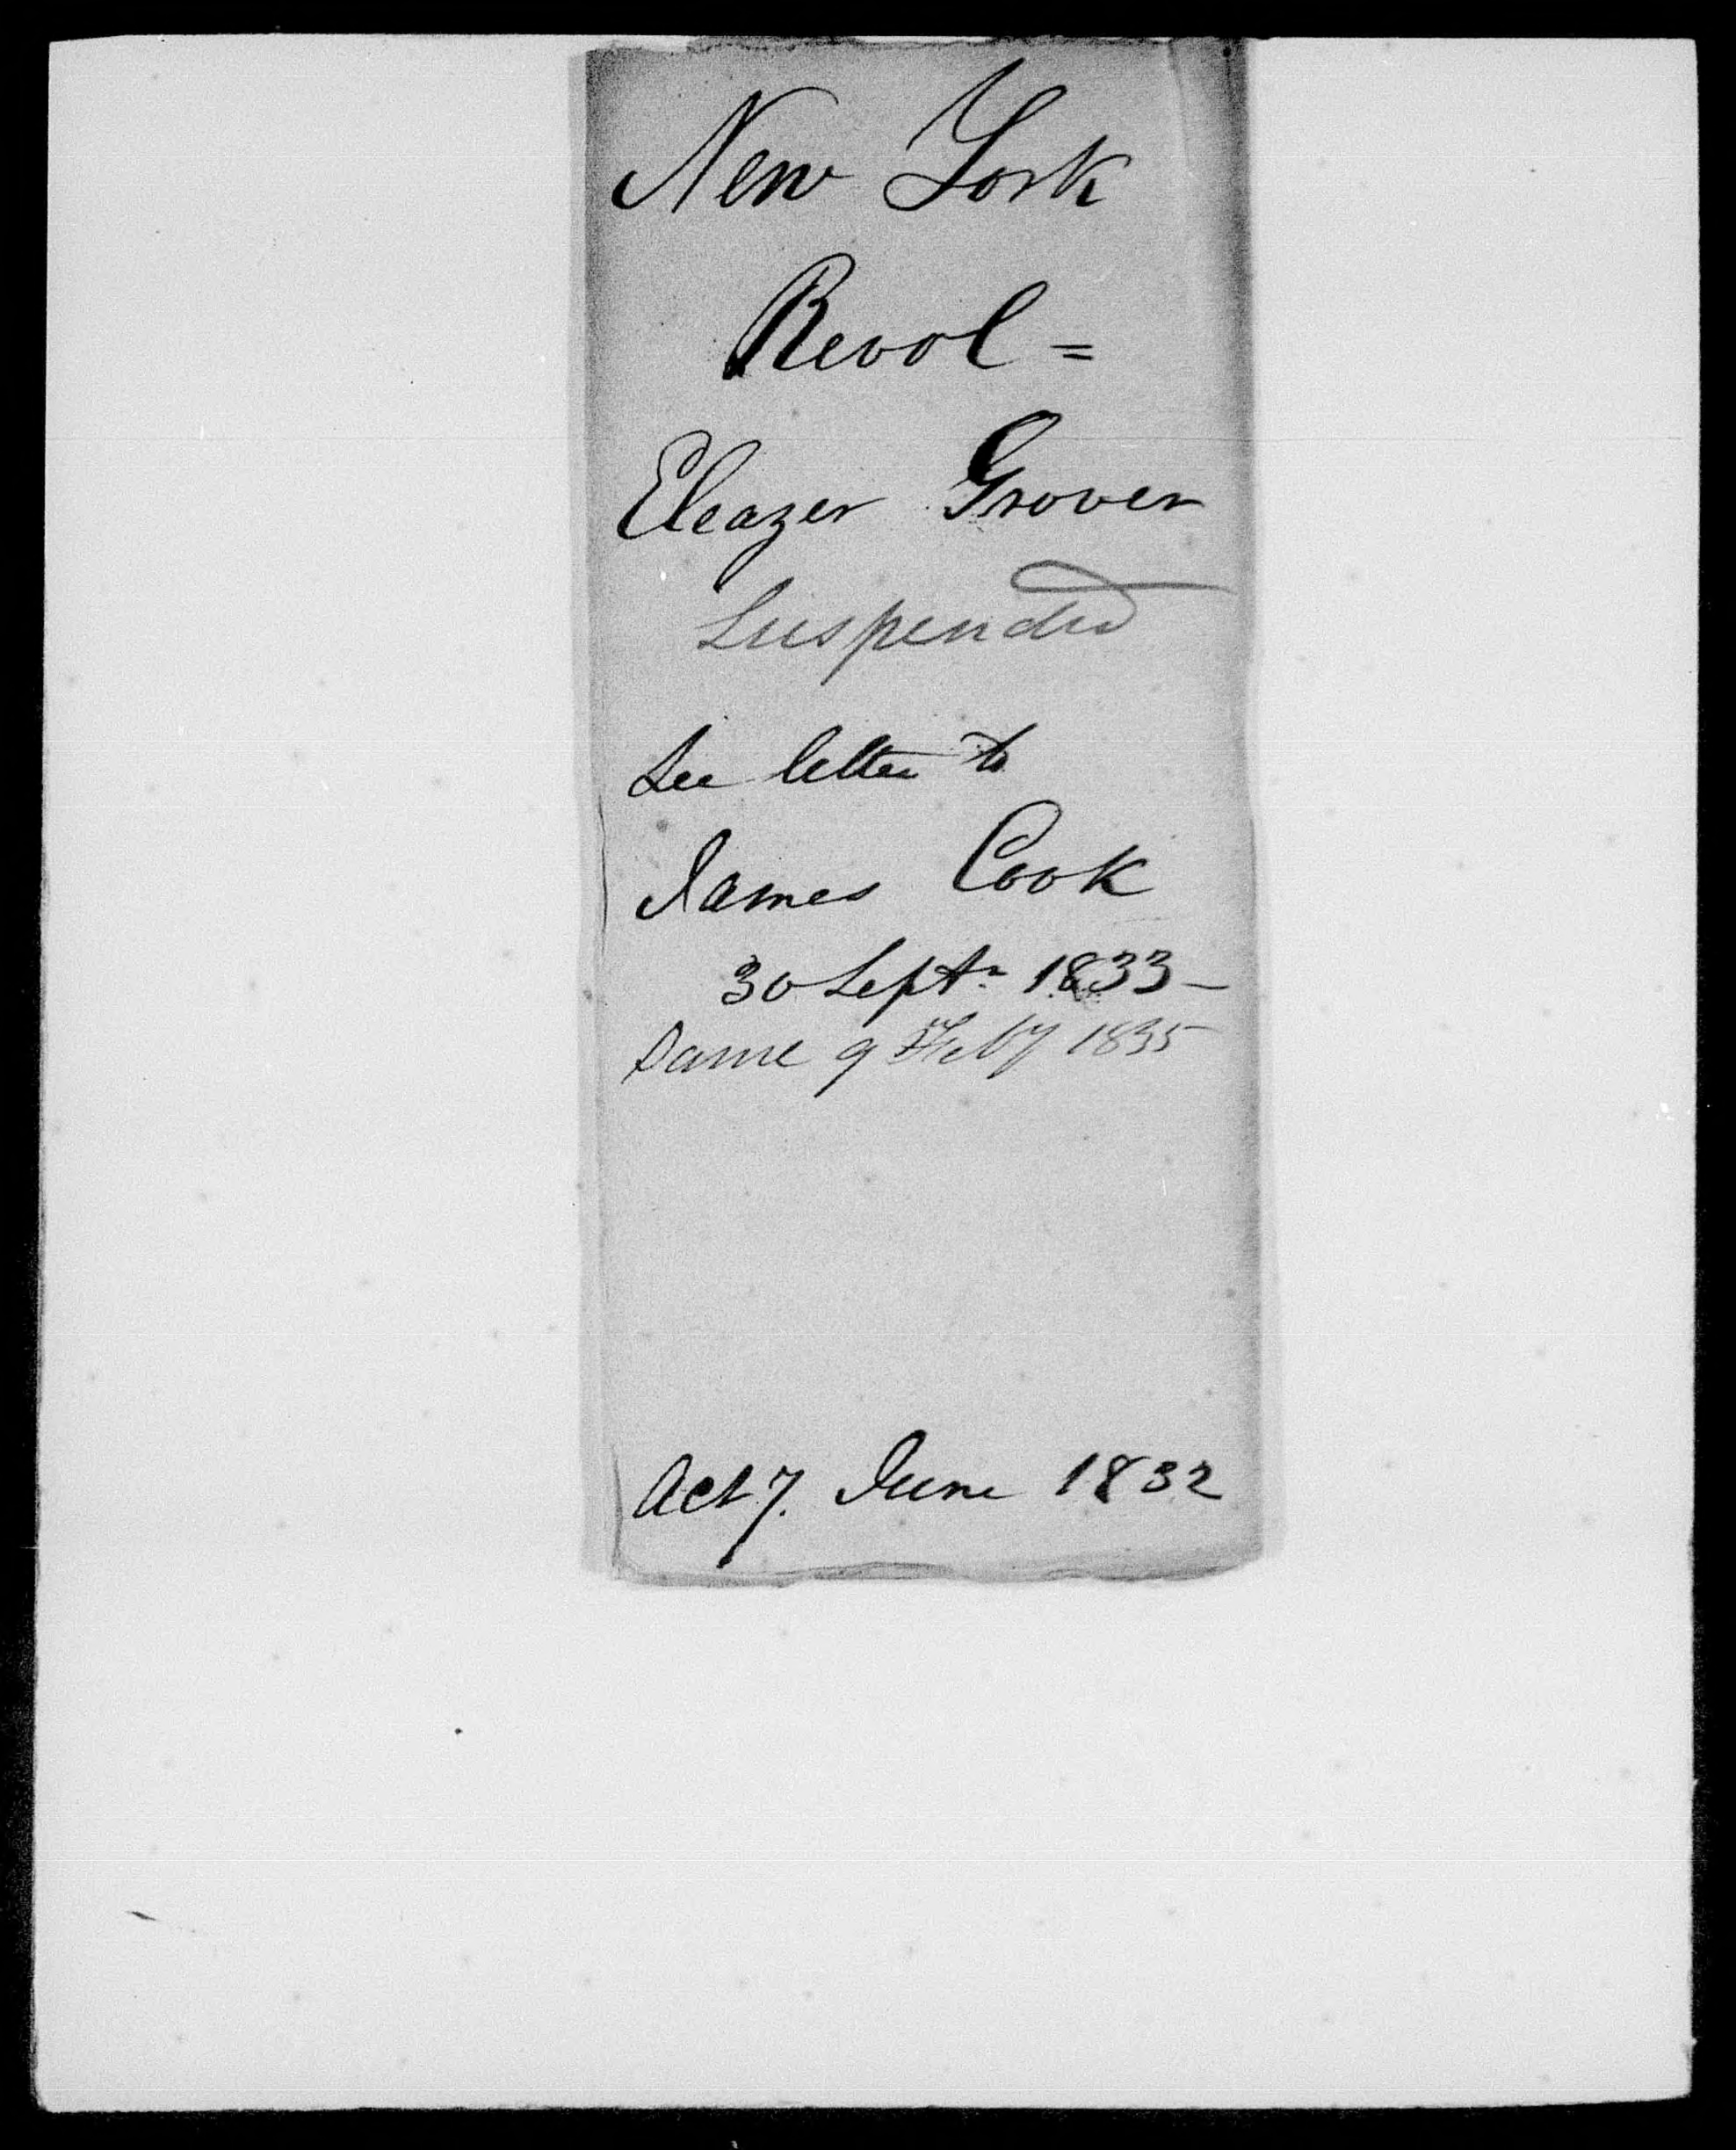New York Revol=
Eleazer Grover
suspended
See letter to James Cook 30 Sept. 1833 - 
same 9 Feby 1835
Act 7 June 1832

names: James Cook, Eleazer Grover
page: 36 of 43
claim: survivor's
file: S. 28748, Eleazer Grover, Continental Mass. Vt.